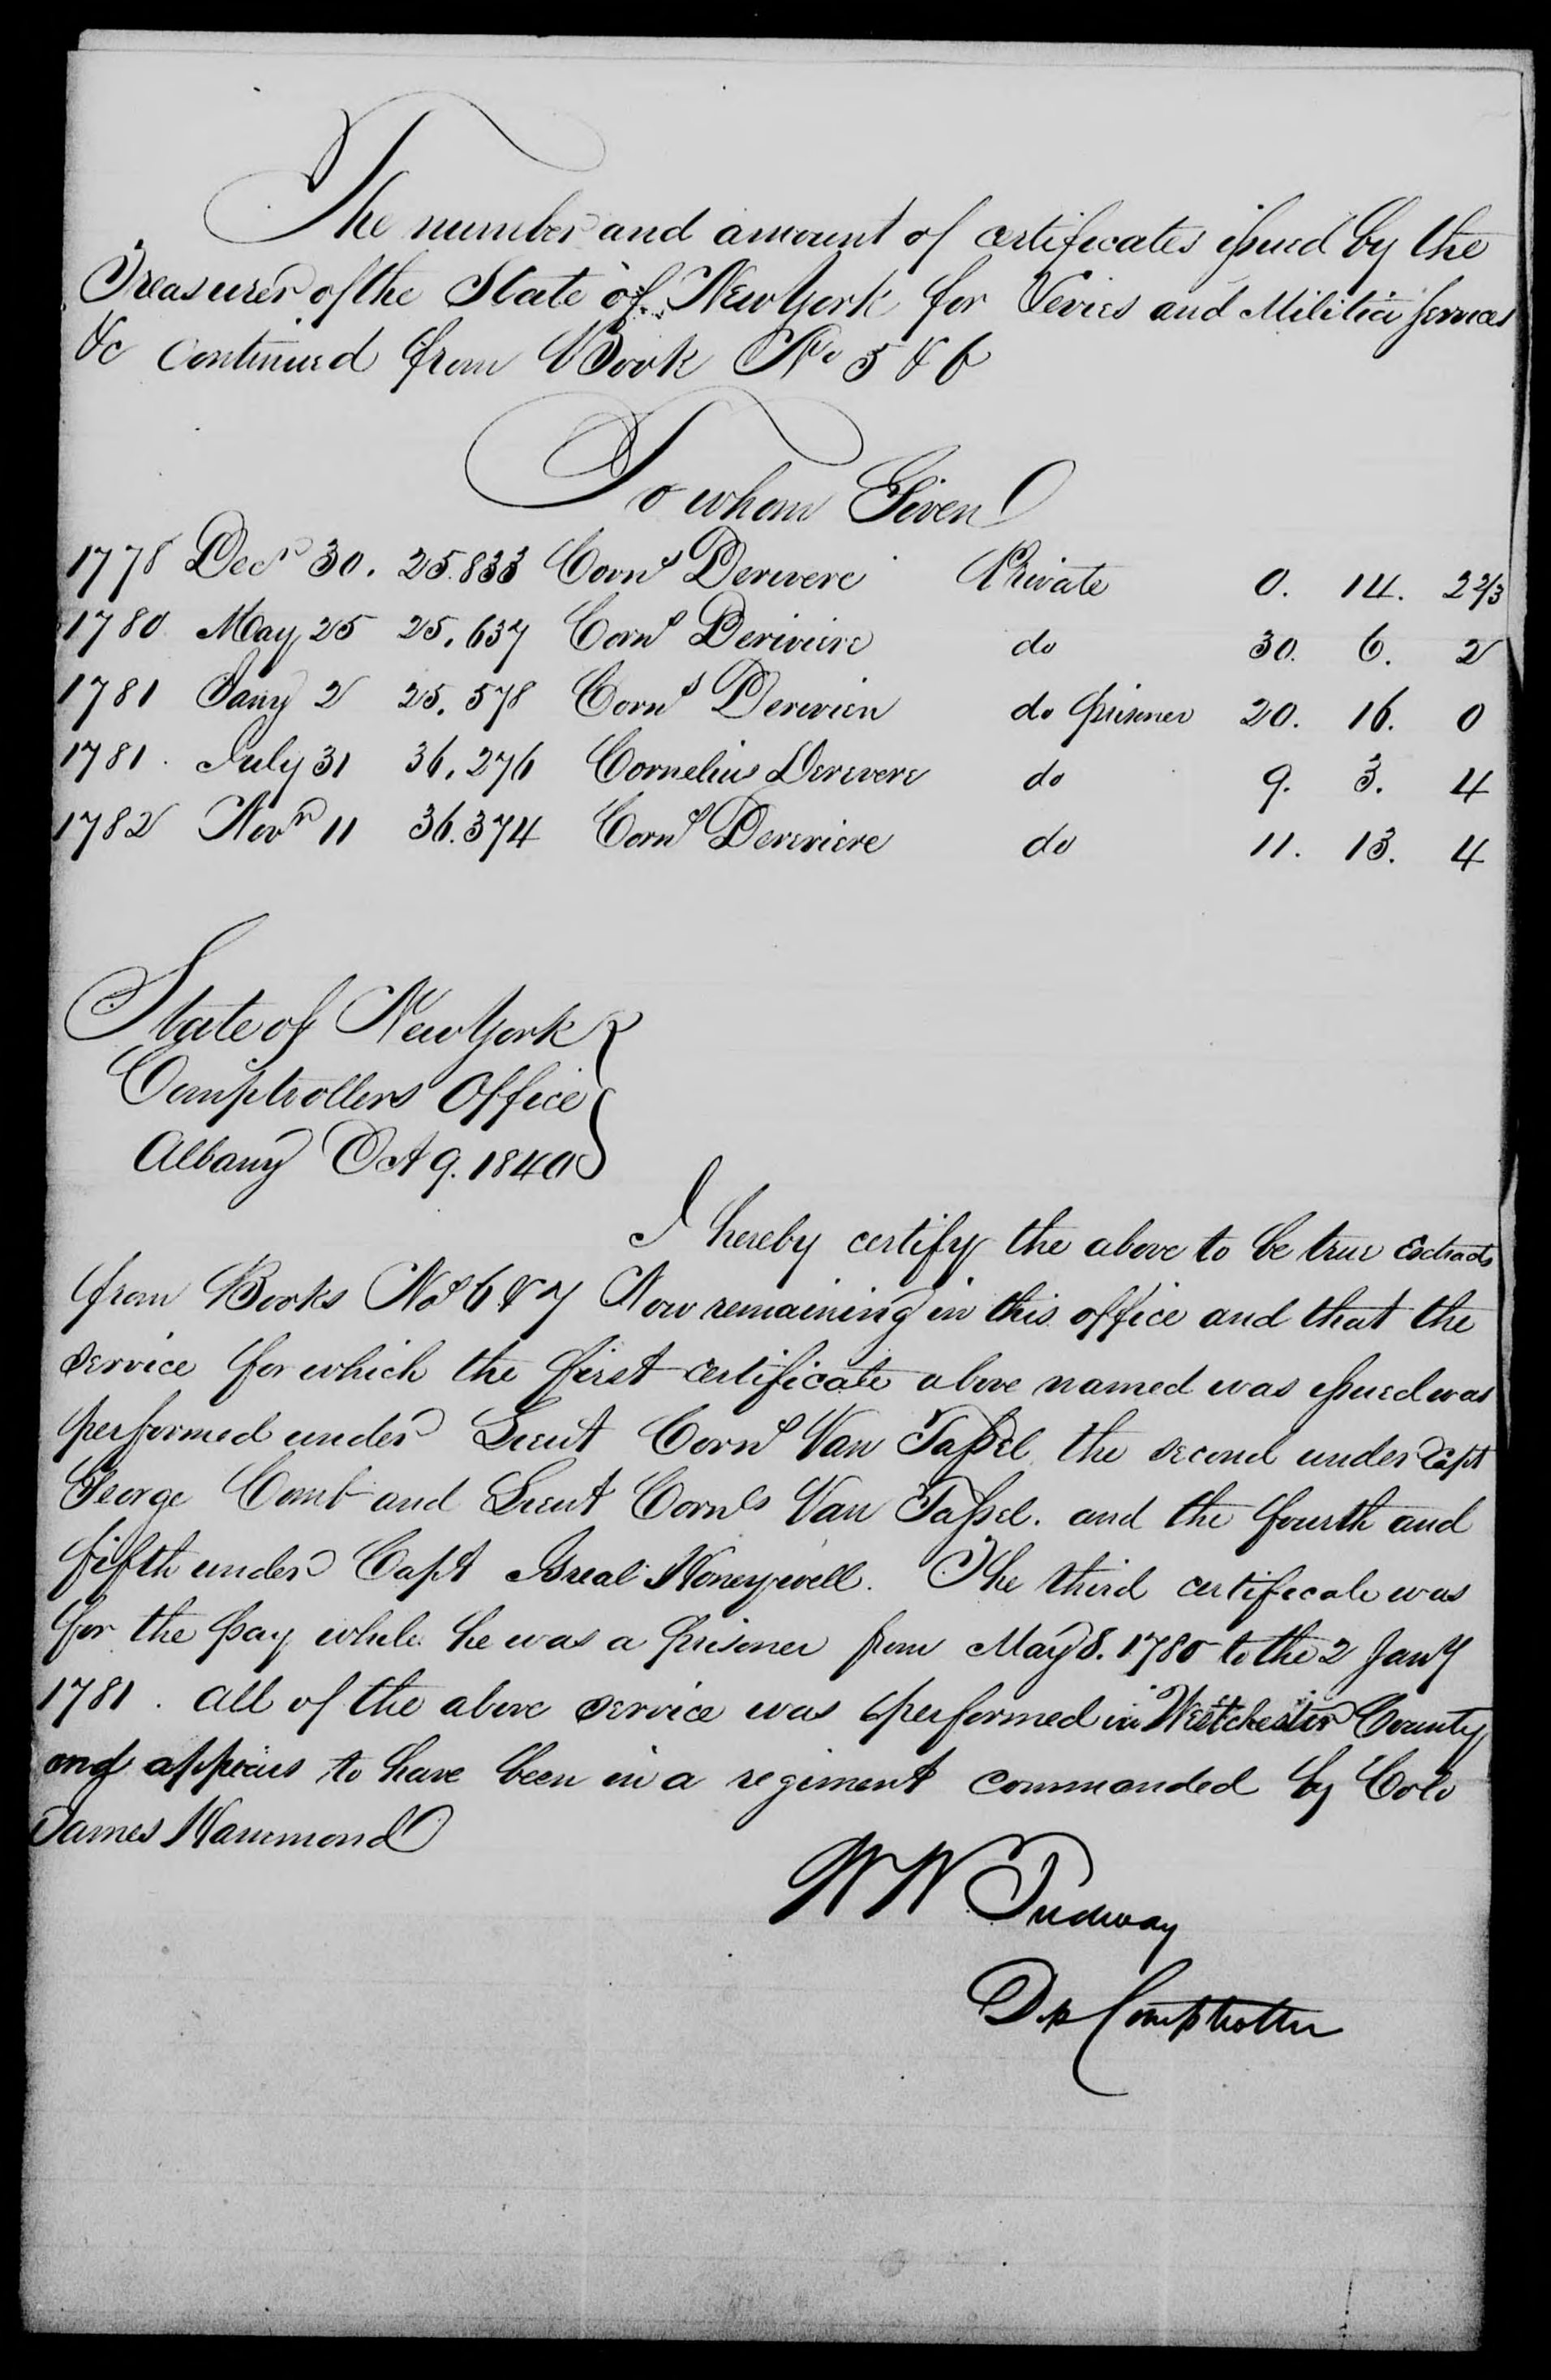The number and amount of certificates issued by the Treasurer of the State of New York for [illegible] and Militia Services & continued from Book No 5 & 6

To whom Given
1778 Dec 30, 25.833, Corns Derevere, Private, 0.4.2 2/3

1780 May 25, 25.637, Corns Derevere, do, 30.6.2

1781 Jany 2, 25.578, Corns Derevere, do prisoner, 20.16.0

1781 July 31, 36.276, Cornelius Derevere, do, 9.3.4

1782 Novr 11, 36.374, Corns Derevere, do, 11.13.4

State of New York
Comptrollers Office
Albany Oct 9. 1840}

I hereby certify the above to be true extracts from Books No. 6 & 7 Now remaining in this office and that the service for which the first certificate above named was issued was performed under Lieut Corns Van Tassel the  second under Capt George Comb and Lieut Corns Van Tassel and the fourth and fifth under Capt Isreal Honeywell. The third certificate was
for the pay while he was a prisoner from May 8, 1780 to the 2 Jany 1781. All of the above  service was performed in Westchester County
and appears to have been in a regiment
commanded by Colo James Hammond

WW Tredway
Dep Comptroller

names: Corns Derivien, Corns Deriviere, Isreal Honeywell, Corns Van Tassel, Corns Derevere, Corns Van Tassel, Cornelius Derevere, James Hammond, Corns Dereviere, W W Tredway, George Comb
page: 38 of 40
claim: widow's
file: W. 24057, Cornelius De Revere, New York